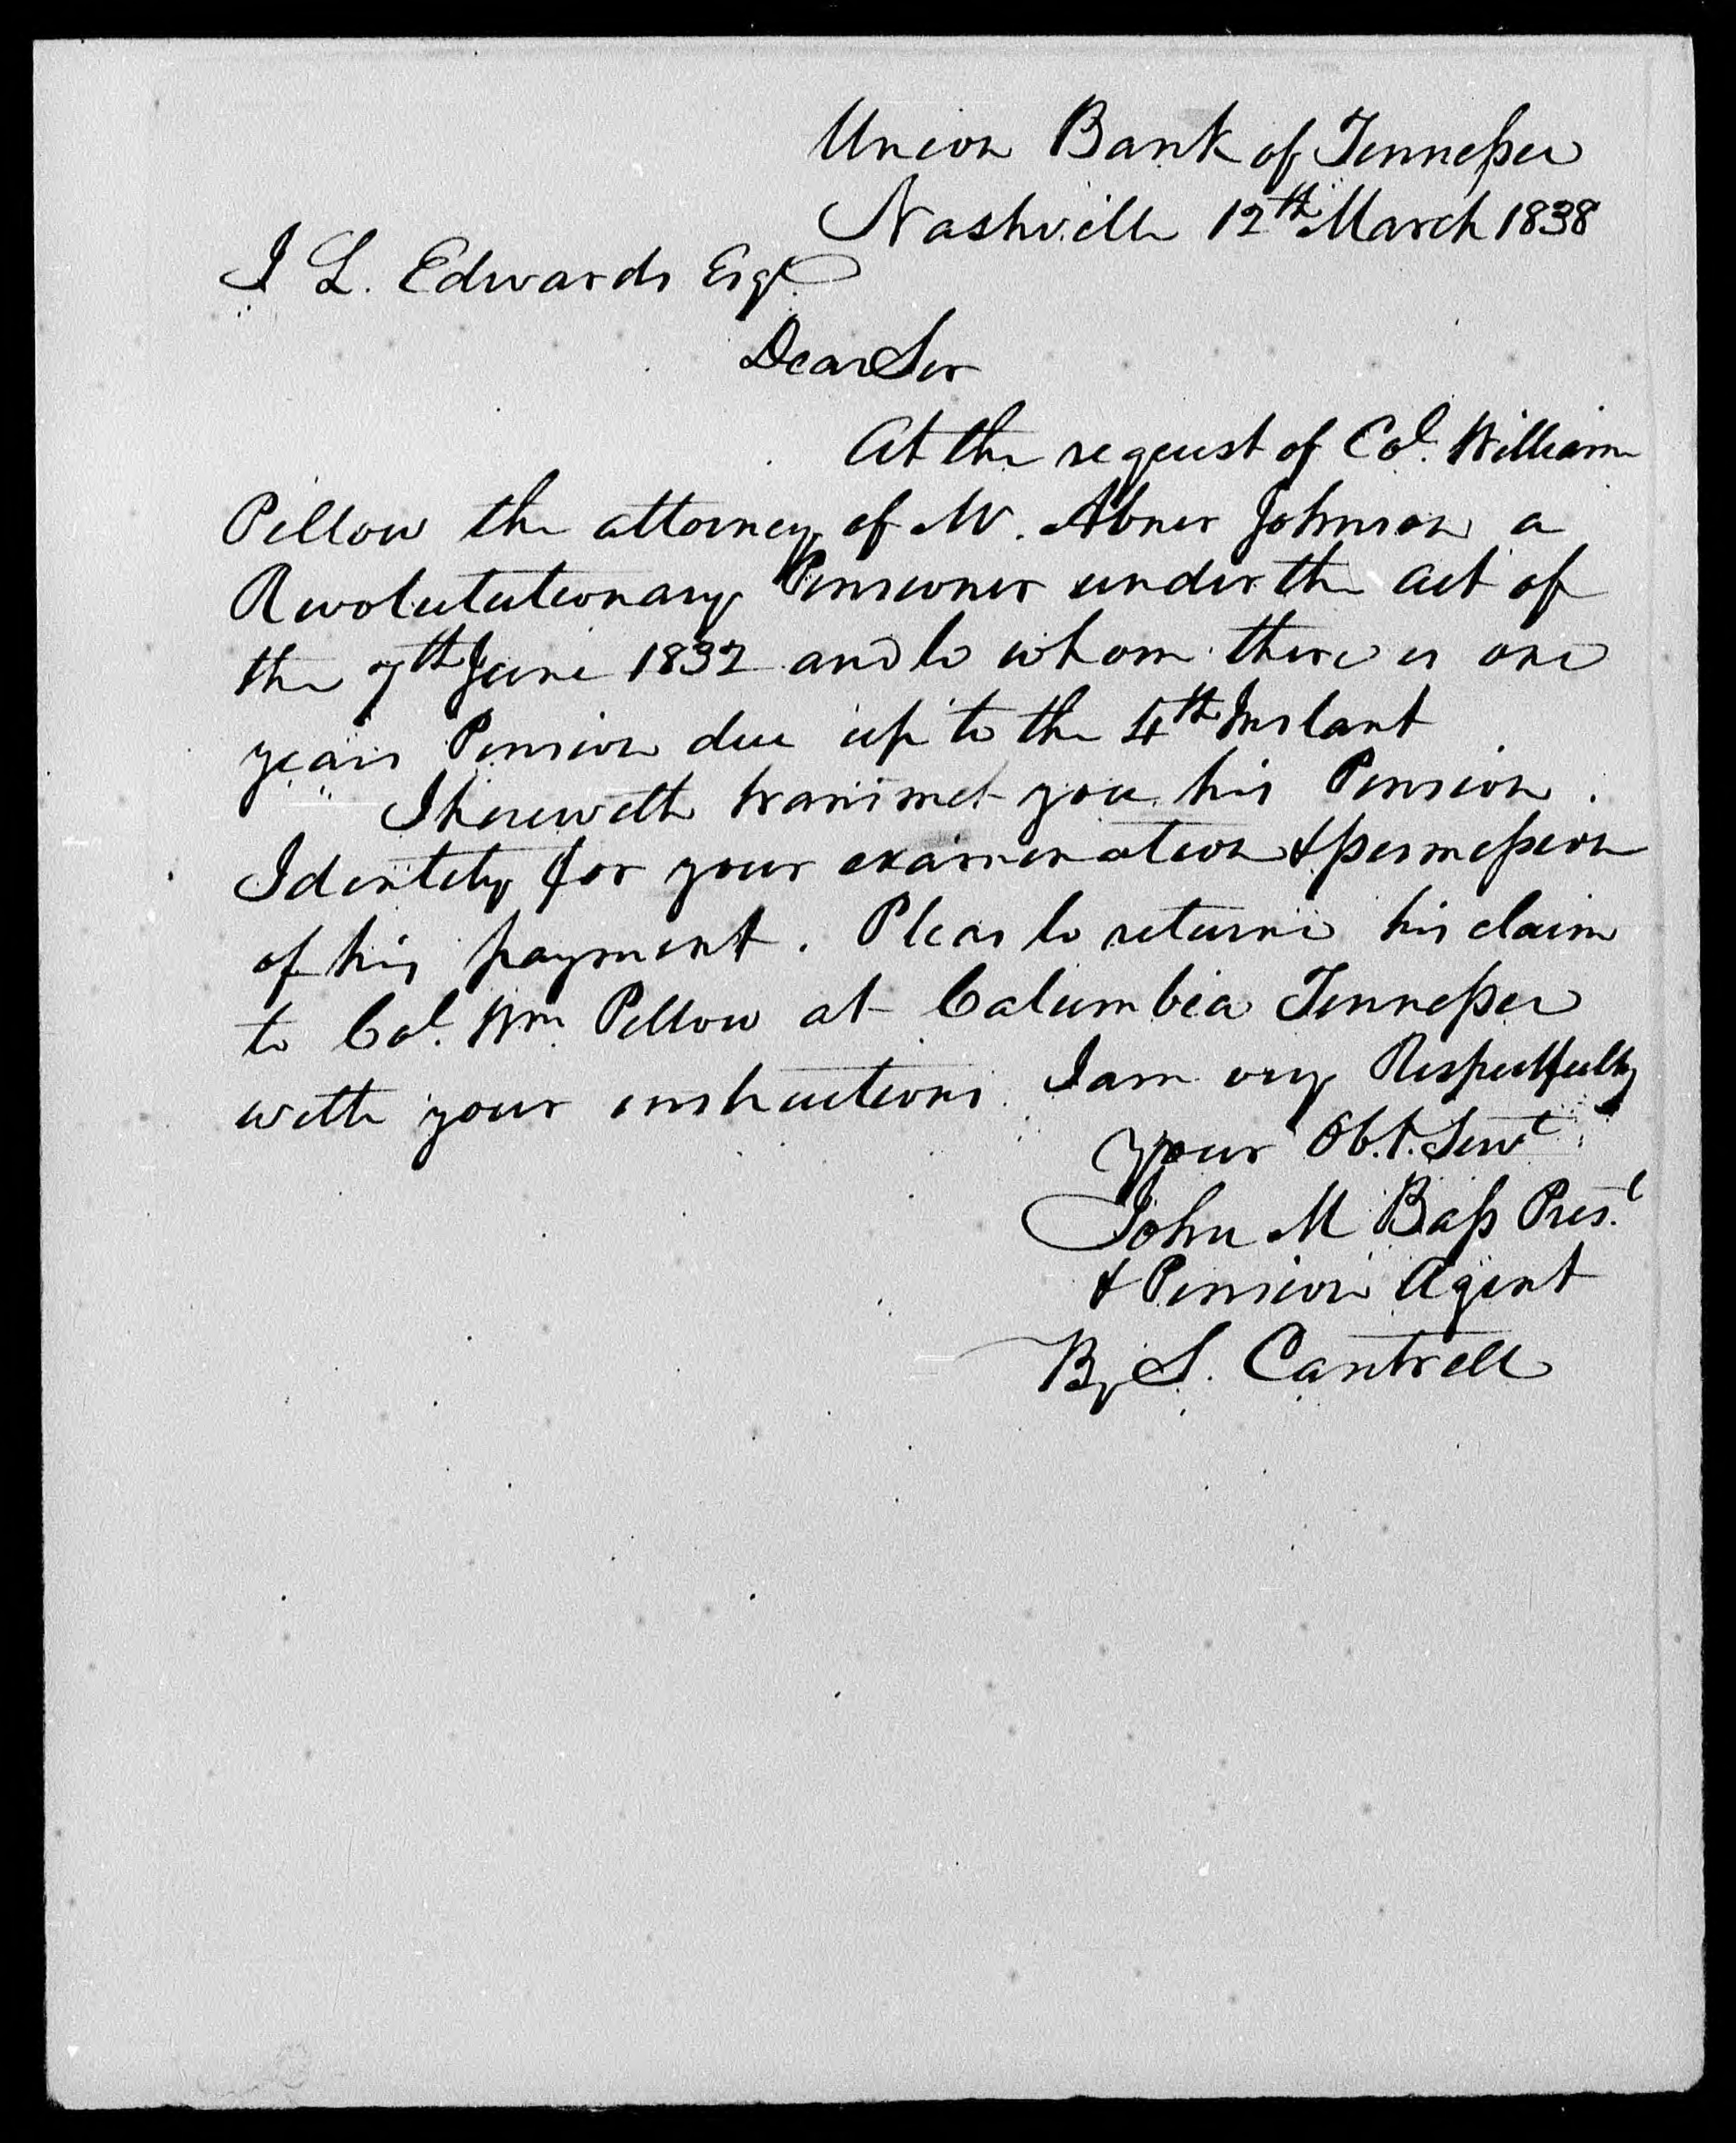Union Bank of Tennessee
                Nashville 12th March 1838

J.L. Edwards Esq.
Dear Sir
     At the request of Col. William Pillow the attorney of W. Abner Johnson a Revolutionary Pensioner under the act of the 7th June 1832 and to whom there is one year pension due up to the 4th Instant.
     I herewith transmit you his Pension Identity for your examination & permission of his payment.  Please to return his claim to Col. Wm. Pillow at Columbia Tennessee with your instructions.
                    Your Obt. Servt,
                    John M. Bap Pres. 
                    & Pension Agent
                    by S. Cantrell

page: 21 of 27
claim: rejected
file: R. 5649, for Abner Johnson, North Carolina